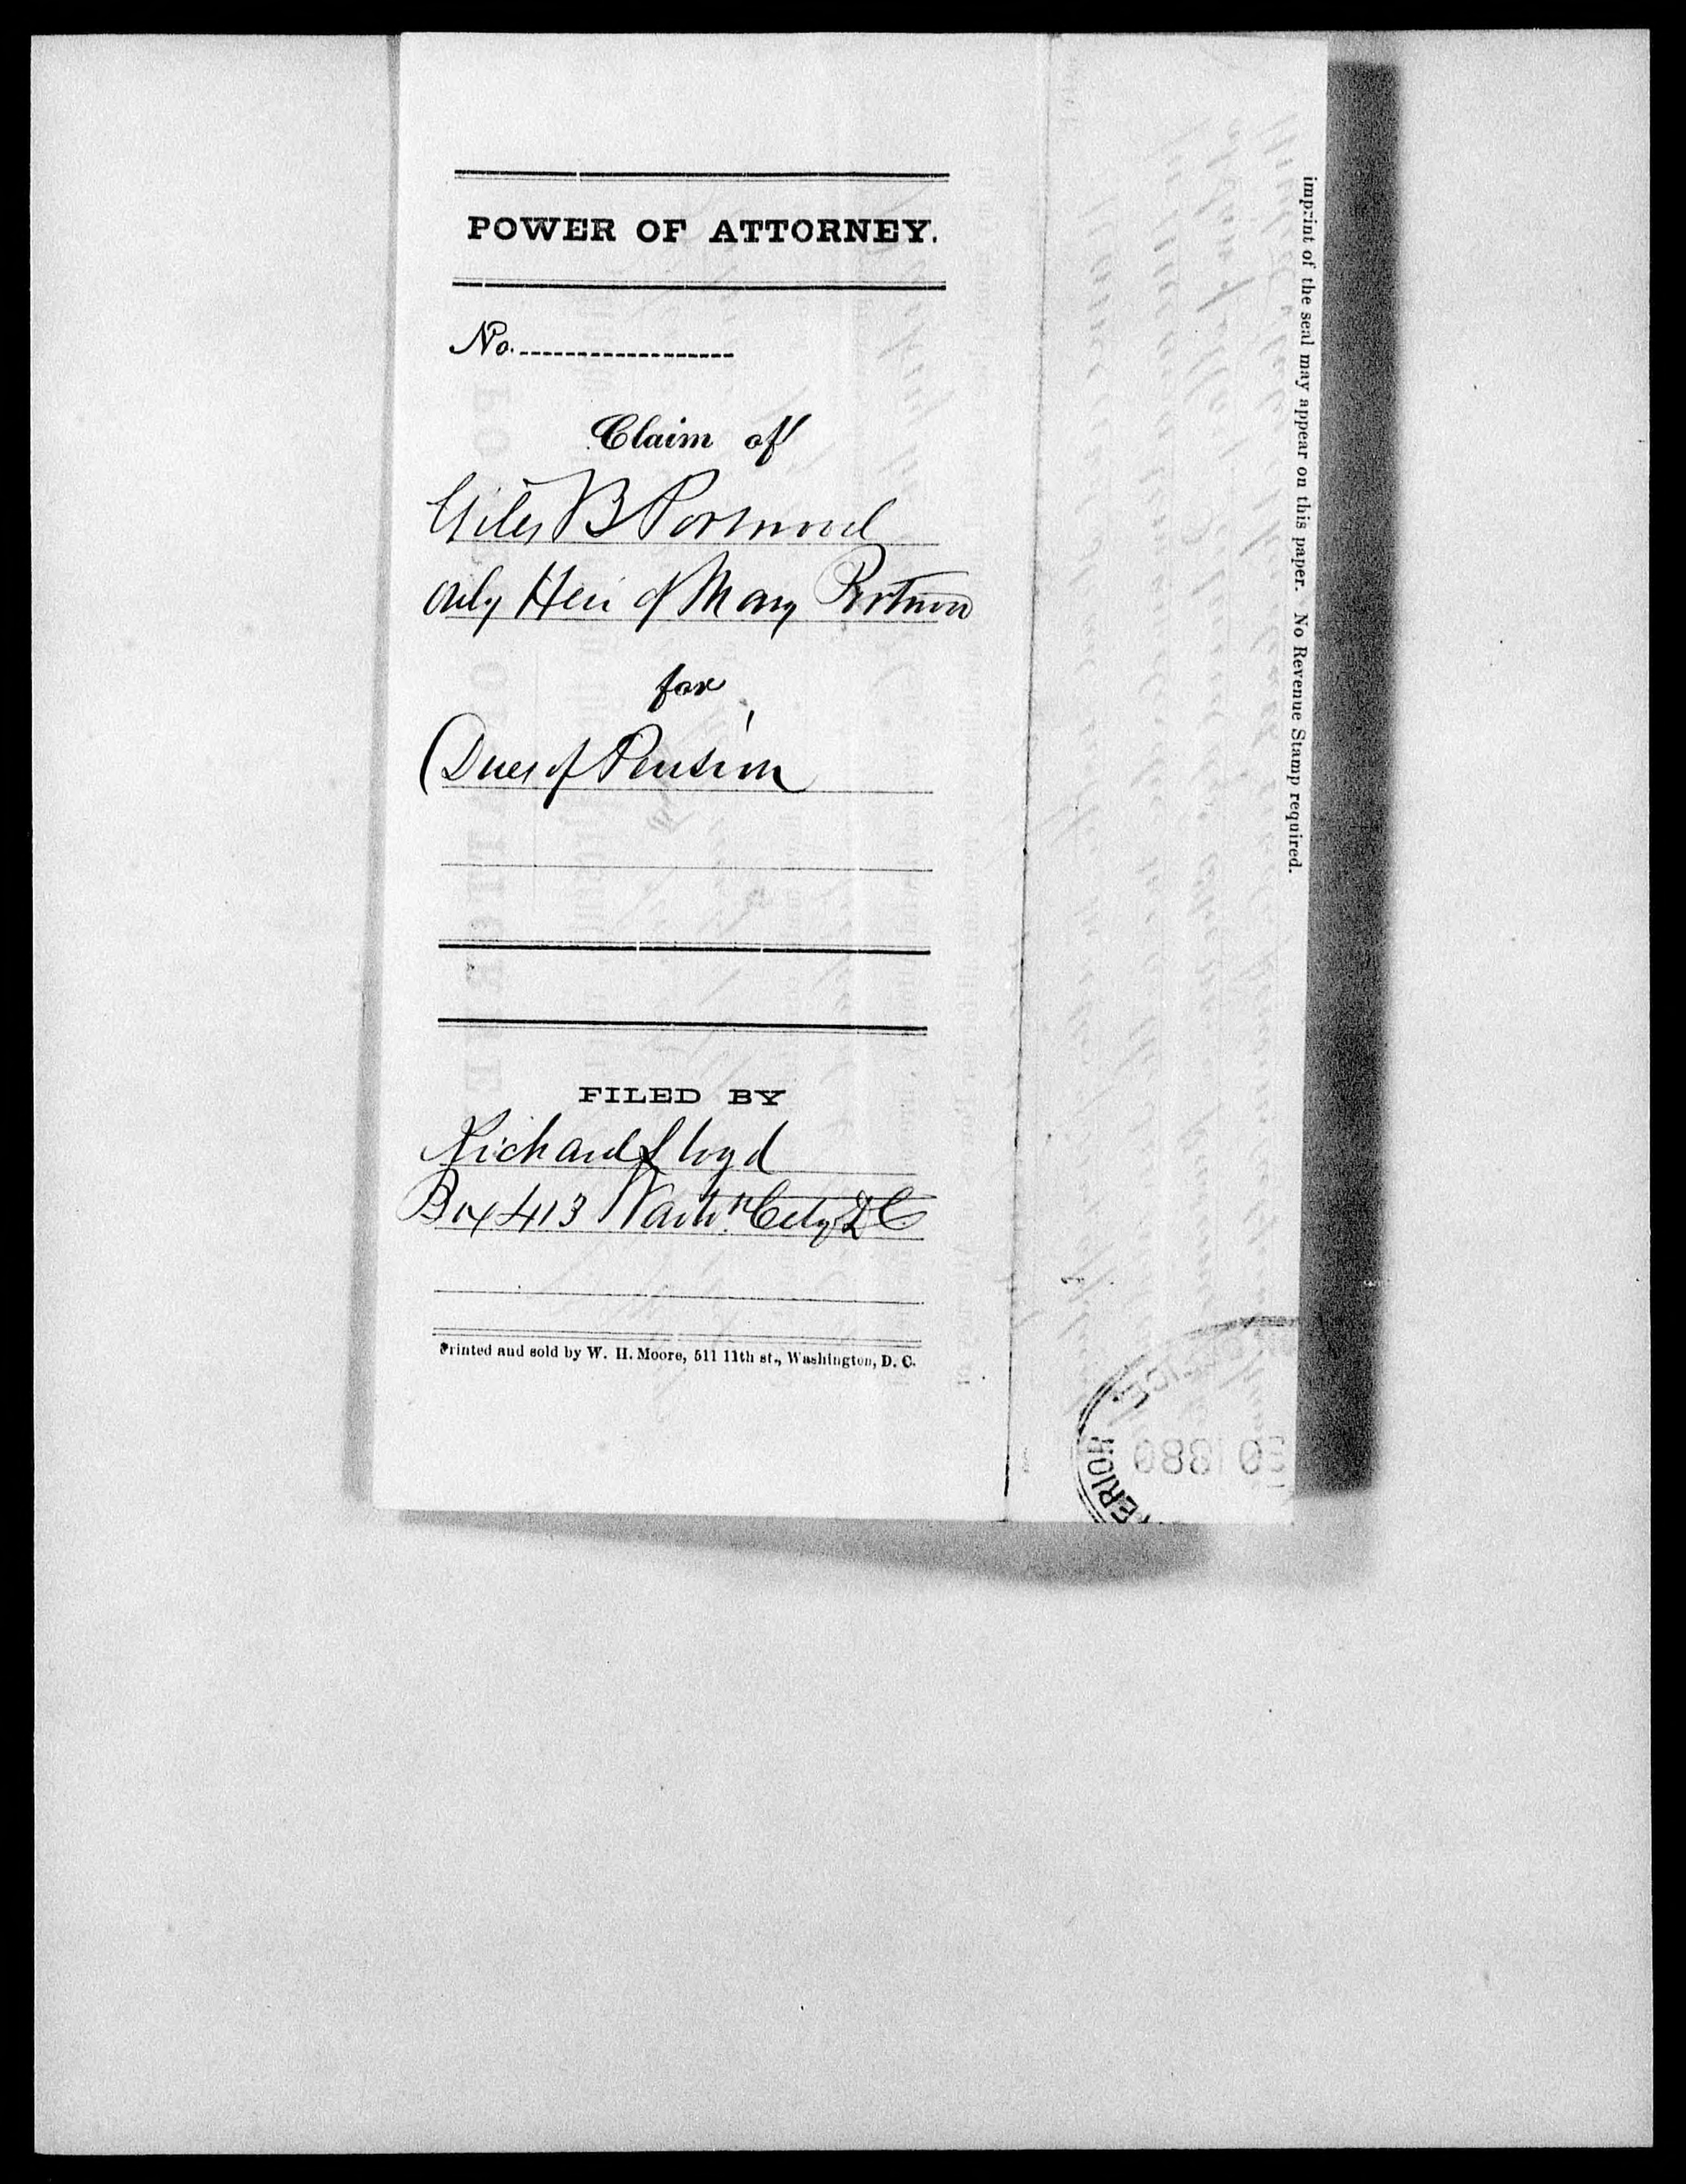POWER OF ATTORNEY.
No. [blank]
Claim of
Giles B Portwood
only Heir of Mary Portwood
for
Dues of Pension
FILED BY
Richard Lloyd
Box 413 Washn City DC
Printed and sold by W. H. Moore, 511 11th st., Washington, D.C.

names: Giles B Portwood; Mary Portwood; Richard Lloyd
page: 24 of 50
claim: widow's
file: W. 1929, for Lloyd Portwood, Virginia